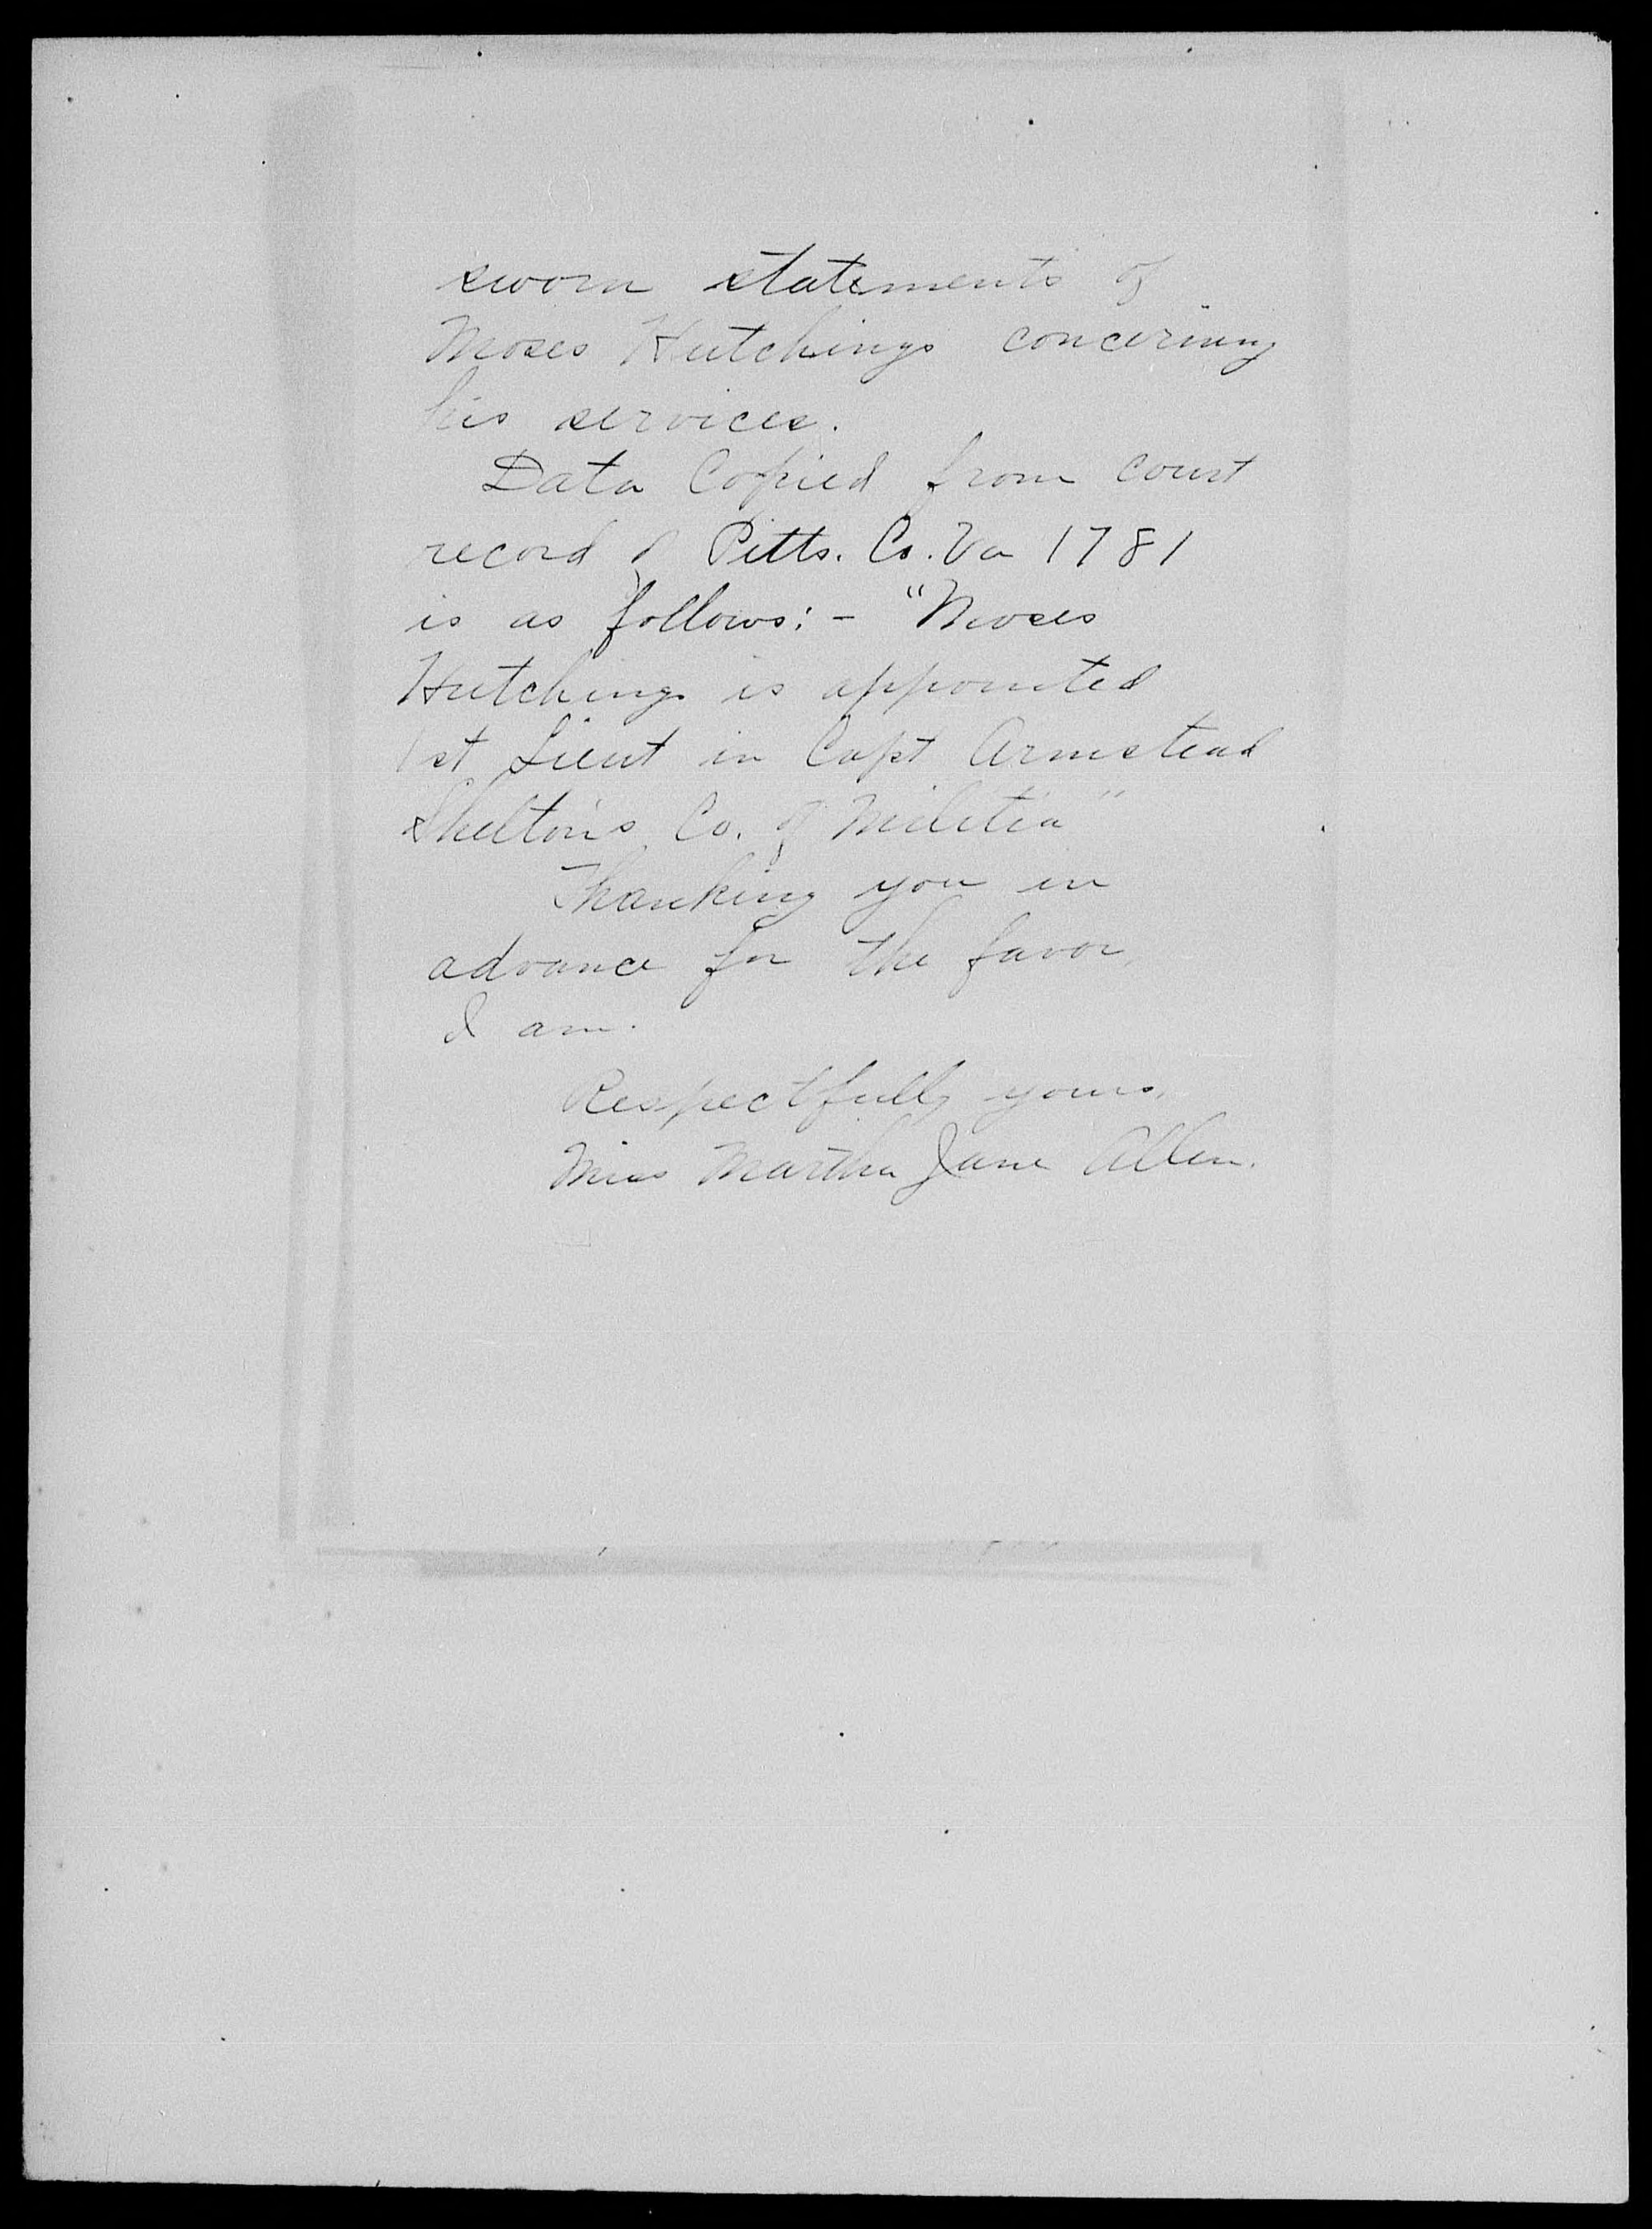sworn statements of Moses Hutchings concerning his services. 
Data copied from Court record of Pitts. Co. Va. 1781 is as follows: - “Moses Hutchings is appointed 1st Lieut [Lieutenant] in Capt. Armstead Shelton's Co. of Militia” 
Thanking you in advance for the favor, I am, 

Respectfully yours, 
Miss Martha Jane Allen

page: 14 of 18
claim: survivor's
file: S. 8742, for Moses Hutchings, Virginia